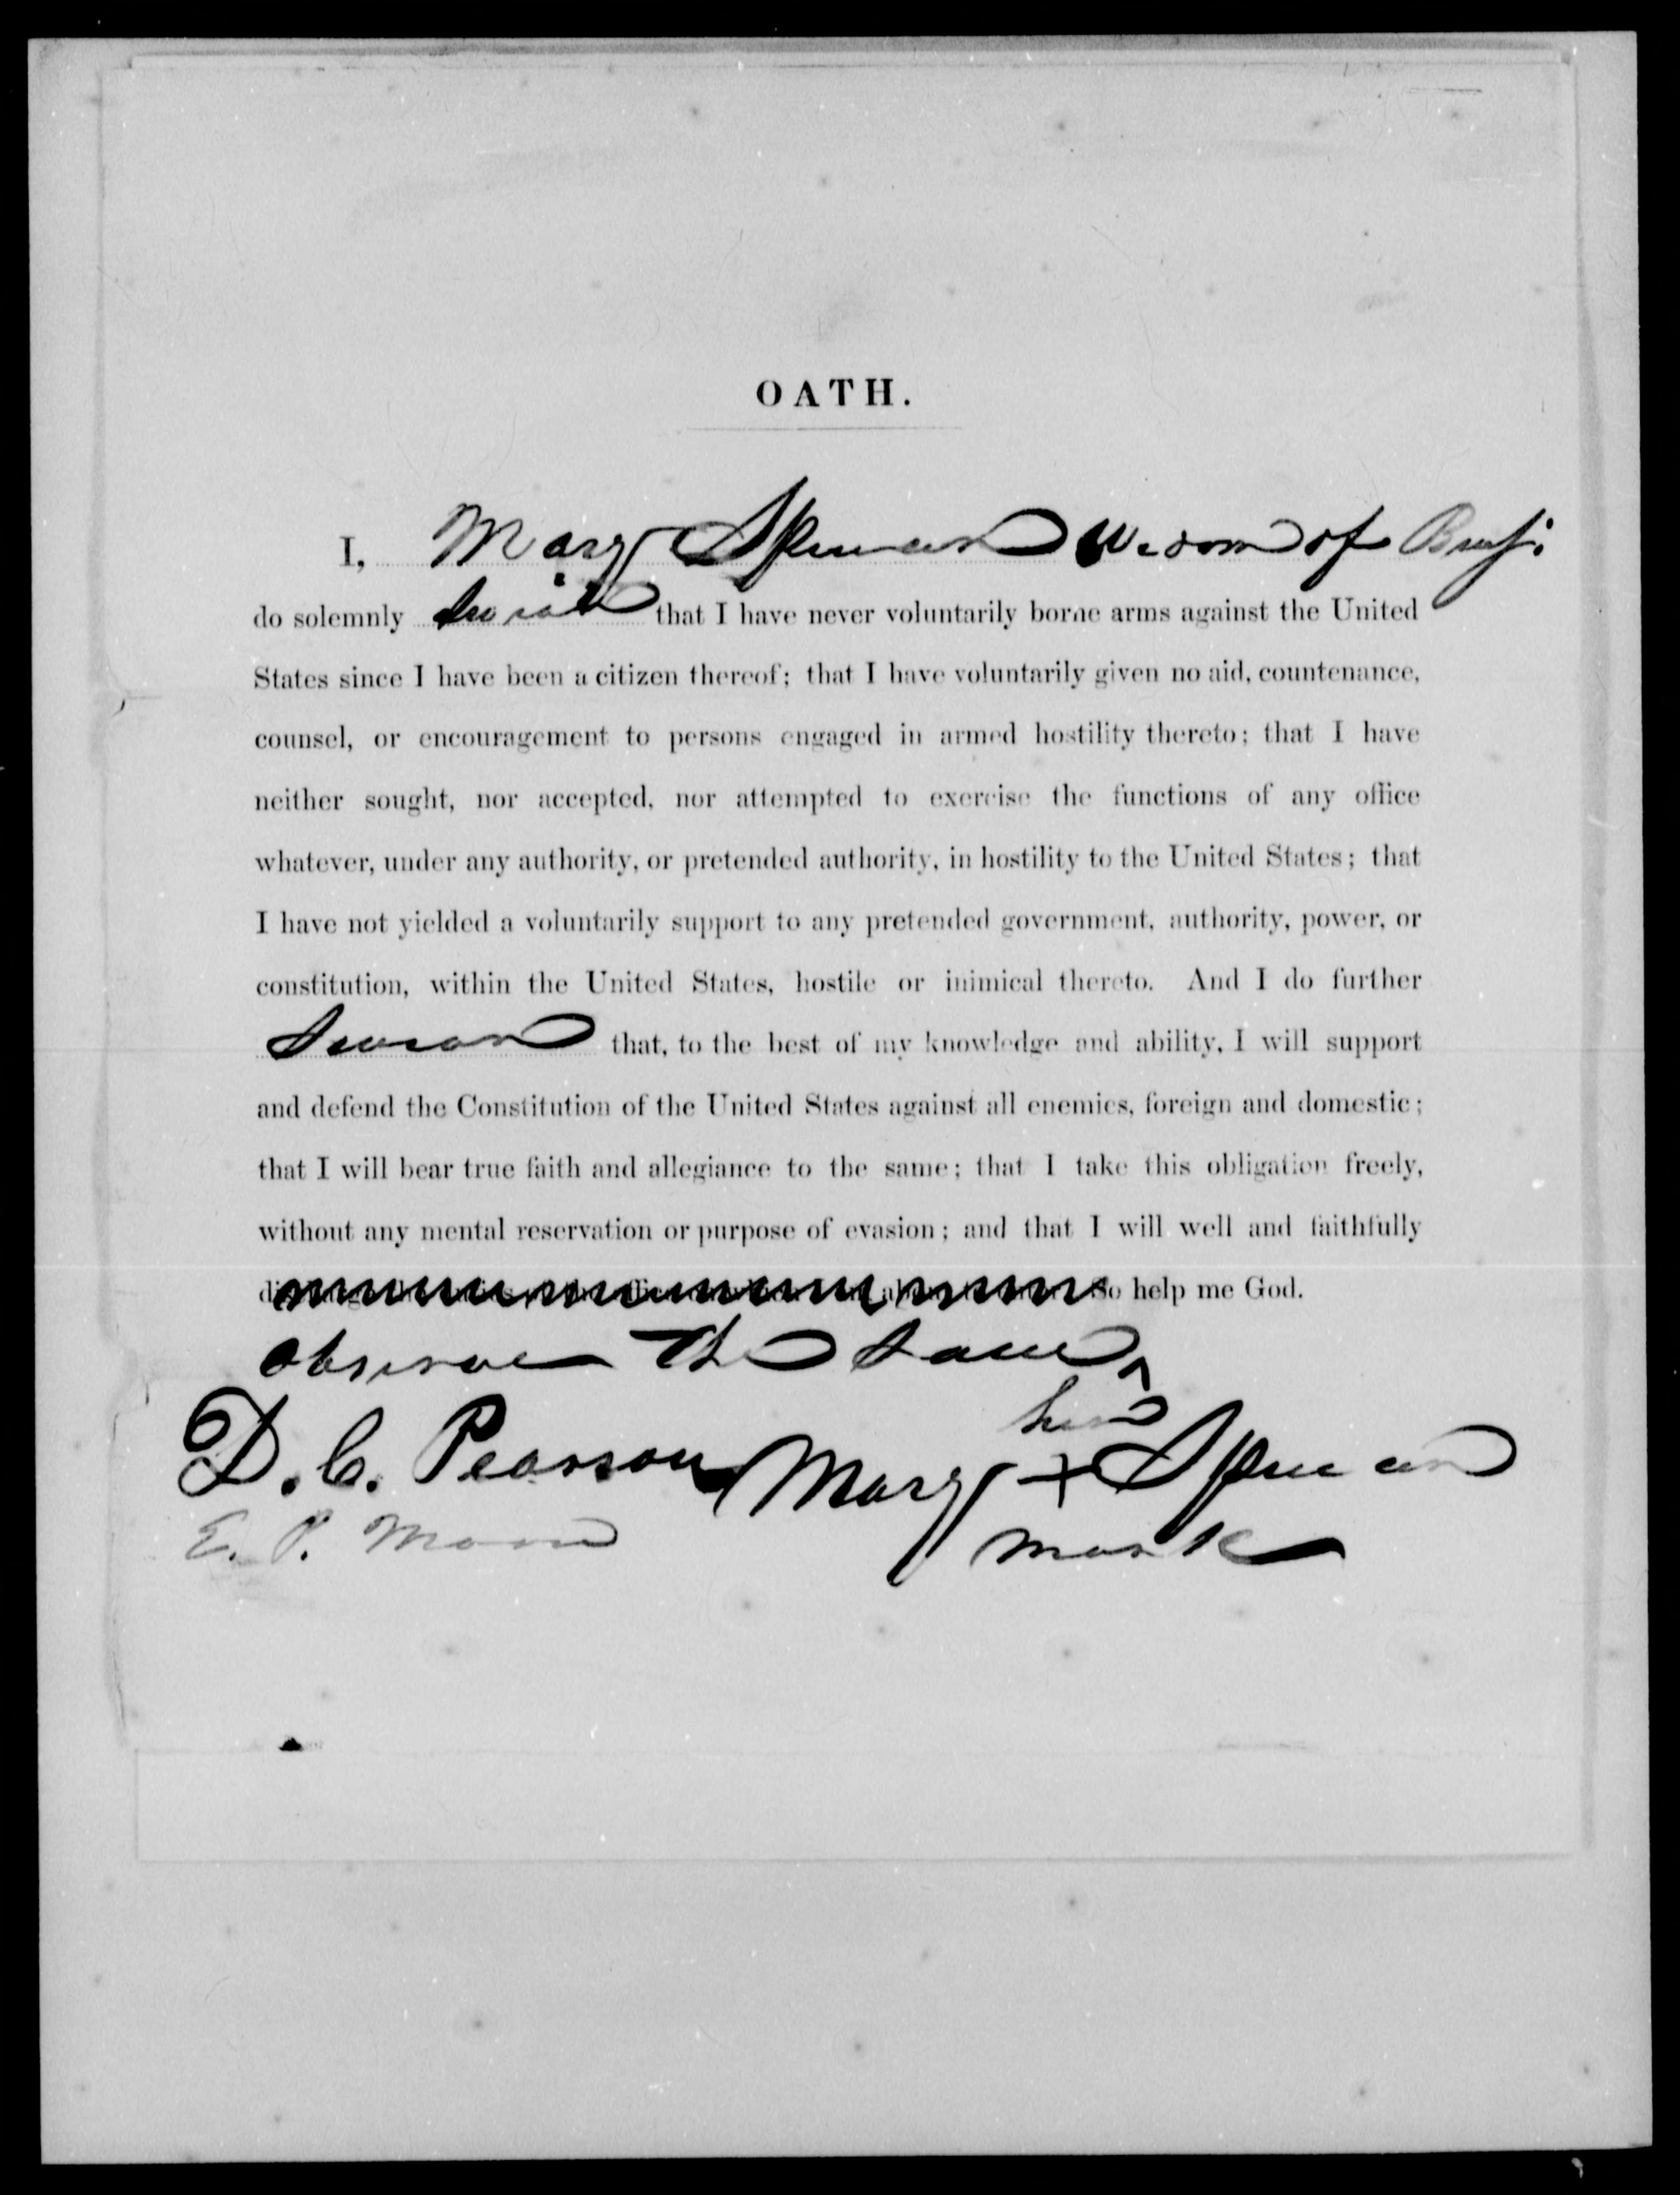OATH.
I, Mary Spencer Widow of Benj.
do solemnly swear that I have never voluntarily borne arms against the United States
since I have been a citizen thereof; that I have voluntarily given no aid, countenance,
counsel, or encouragement to persons engaged in armed hostility thereto; that I have
neither sought, nor accepted, nor attempted to exercise the functions of any office
whatever, under any authority, or pretended authority, in hostility to the United States; that
I have not yielded a voluntarily support to any pretended government, authority, power, or
constitution, within the United States, hostile or inimical thereto. And I do further
Swear that, to the best of my knowledge and ability, I will support
and defend the Constitution of the United States against all enemies, foreign and domestic;
that I will bear true faith and allegiance to the same; that I take this obligation freely,
without any mental reservation or purpose of evasion; and that I will well and faithfully
so help me God.
observe the same

D.C. Pearson 
E. P. Moore
Mary Spencer
her mark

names: D C Pearson; Benj Spencer; Mary Spencer; E P Moore; Mary Spencer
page: 58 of 63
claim: widow's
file: W. 6158, for Benjamin Spencer, North Carolina